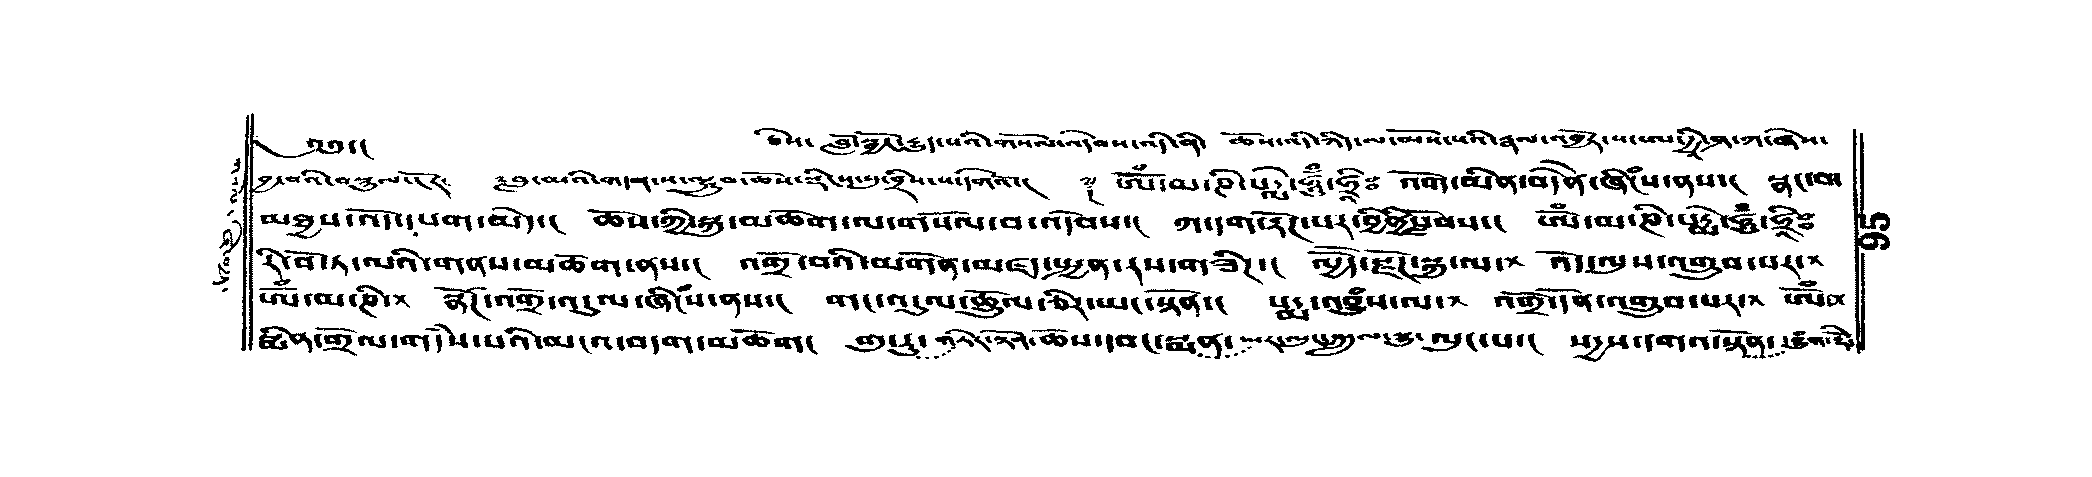ཅེས་བློ་སྦྱོང་རྒྱུད་པའི་གསོལ་འདེབས་འདི་ནི། ཆོས་འདི་ཉིད་ལ་མོས་པའི་རྣལ་འབྱོར་པ་ཨ་དྱཱི་ཤ་ཀ་ཞེས་
བྱ་བའི་བསྐུལ་ངོར། བླ་མའི་གདན་ས་ལྷུན་གྲུབ་ཆོས་སྡིངས་སུ་བྲིས་པ་དགེའོ།། ༈ ཨོཾ་མ་ཎི་པདྨེ་ཧཱུྃ་ཧྲཱིཿ འོག་མིན་བདེ་ཆེན་ཞིང་ཁམས་ནས། །སྣང་བ་
མཐའ་ཡས་འོད་དཔག་མེད། །ཆོས་ཀྱི་སྐུ་མཆོག་ལ་གསོལ་བ་འདེབས། །ཀ་དག་རྟོགས་པར་བྱིན་གྱིས་རློབས། ཨོཾ་མ་ཎི་པདྨེ་ཧཱུྃ་ཧྲཱིཿ 
རི་བོ་ཏ་ལའི་གནས་མཆོག་ནས། །འགྲོ་བའི་མགོན་མཛད་སྤྱན་རས་གཟིགས། །ལོངས་སྤྱོད་རྫོགས་སྐུ་ལ༴ །འོད་ལུས་འགྲུབ་པར༴ 
ཨོཾ་མ་ཎི༴ སྣ་ཚོགས་འགྲོ་འདུལ་ཞིང་ཁམས་ནས། །གང་འདུལ་ཆོ་འཕྲུལ་ཅིར་ཡང་སྟོན། །པདྨ་འབྱུང་གནས༴ །འགྲོ་དོན་འགྲུབ་པར༴ ཨོཾ༴ 
སྨིན་གྲོལ་གདམས་པའི་མངའ་བདག་མཆོག །གུ་རུ་{ གཏེར་སྟོན། }ཆོས་དབང་སྨན་{ ཡར་ལུང་སྤྲུལ་སྐ ུ ། }ལུང་པ། །སངས་རྒྱས་དྭགས་སྟོན་{ དབང་ཕྱུག་རྡོ་རྗེ་ }